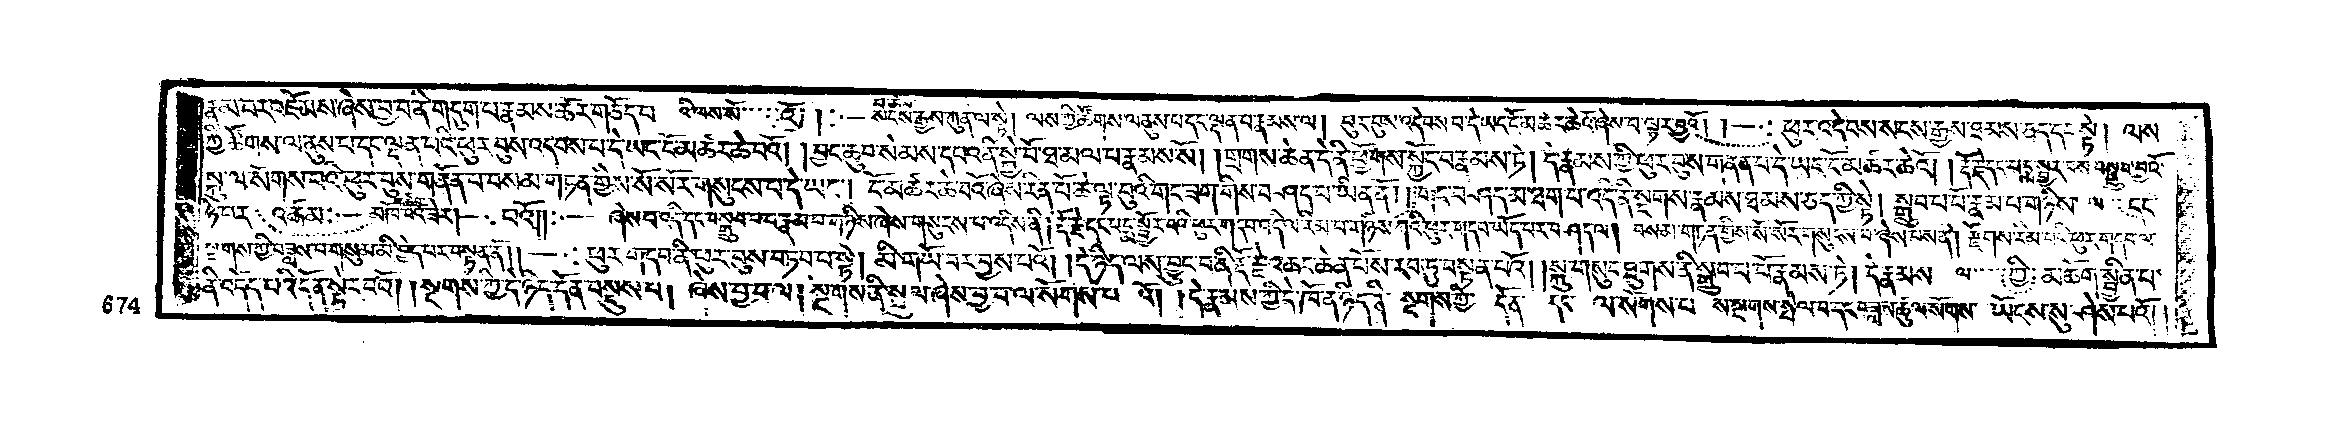རྣམ་པར་འཇོམས་ཞེས་བྱ་བ་ནི་གདུག་པ་རྣམས་ཚར་གཅོད་པའི་ལས་སོའོ། ། H.པ་ཚབ་སངས་རྒྱས་ཀུན་ལ་སྟེ། ལས་ཀྱི་ཚོགས་ལ་ནུས་པ་དང་ལྡན་པ་རྣམས་ལ། ཕུར་བུས་འདེབས་པ་དེ་ཡང་ངོ་མཚར་ཆེའོ་ཞེས་བ་ལྟར་བྱའོ། །.Hཕུར་འདེབས་སངས་རྒྱས་ཐམས་ཅད་དང་སྟེ། ལས་
ཀྱི་ཚོགས་ལ་ནུས་པ་དང་ལྡན་པའི་ཕུར་བུས་འདེབས་པ་དེ་ཡང་ངོ་མཚར་ཆེ་བའོ། །བྱང་ཆུབ་སེམས་དཔའ་ནི་སྐྱེ་བོ་ཐ་མལ་པ་རྣམས་སོ། །གྲགས་ཆེན་དེ་ནི་ཕྱོགས་སྐྱོང་བ་རྣམས་ཏེ། དེ་རྣམས་ཀྱི་ཕུར་བུས་གནན་པ་དེ་ཡང་ངོ་མཚར་ཆེའོ། །རྡོ་རྗེ་དང་པདམ་སྦྱར་བས་བསྒྲུབ་བྱའོ་
སྐུ་ལ་སོགས་པའི་ཕུར་བུས་གནོན་པ་བསམ་གཏན་གྱིས་སོ་སོར་གསུངས་པ་དེ་ཡང་། ངོ་མཚར་ཆེ་བའོ་ཞེས་རིན་པོ་ཆེ་ལྟ་བུའི་གང་ཟག་གིས་བཤད་པ་ཡིན་ནོ། །གང་བཤད་མ་ཐག་པ་འདི་ནི་སྔགས་རྣམས་ཐམས་ཅད་ཀྱི་སྟེ། སྒྲུབ་པ་པོ་རྣམ་པ་གཉིས་ལ་དང་
ཉེ་པར་འཆེ་མཿ་མཁོ་བའོ་ཟེར།.H པའོ།།H.་ཞེས་པ་འདི་དང་བསྒྲུབ་པ་པ་རྣམ་པ་གཉིས་ཞེས་གསུངས་པ་འདིས་ནི། རྡོ་རྗེ་དང་པདམ་སྦྱོར་བའི་ཕུར་གདབ་འདི་ལ་རིམ་པ་གཉིས་ཀའི་ཕུར་གདབ་ཡོད་པར་བཤད་ལ། བསམ་གཏན་གྱིས་སོ་སོར་གསུངས་པ་ཞེས་པས་ནི། རྫོགས་རིམ་པའི་ཕུར་གདབ་ལ་
སྔགས་ཀྱི་བཟླས་པ་གསུམ་མི་བྱེད་པར་བསྟན་ནོ།།.H ཕུར་གདབ་ནི་ཕུར་བུས་བཏབ་པ་སྟེ། མི་གཡོ་བར་བྱས་པའོ། །དེ་ཉིད་ལས་བྱུང་བ་ནི་རྡོ་རྗེ་འཆང་ཆེན་པོས་རབ་ཏུ་བསྟན་པའོ། །སྐུ་གསུང་ཐུགས་ནི་སྒྲུབ་པ་པོ་རྣམས་ཏེ། དེ་རྣམས་ལ་ཀྱི་མཆོག་སྦྱིན་པ་
ནི་འདོད་པའི་དོན་སྟེར་བའོ། །སྔགས་ཀྱི་དེ་ཉིད་དོན་བསྡུས་པ། ཞེས་བྱ་བ་ལ། སྔགས་ནི་སྦྲུལ་ཞེས་བྱ་བ་ལ་སོགས་པའོ། །དེ་རྣམས་ཀྱི་དེ་ཁོ་ན་ཉིད་ནི་སྔགས་ཀྱི་དོན་དང་ལ་སོགས་པས་སྔགས་སྤེལ་བ་དང་བཟླས་ཚུལ་སོགས་ཡོངས་སུ་ཤེས་པའོ།།